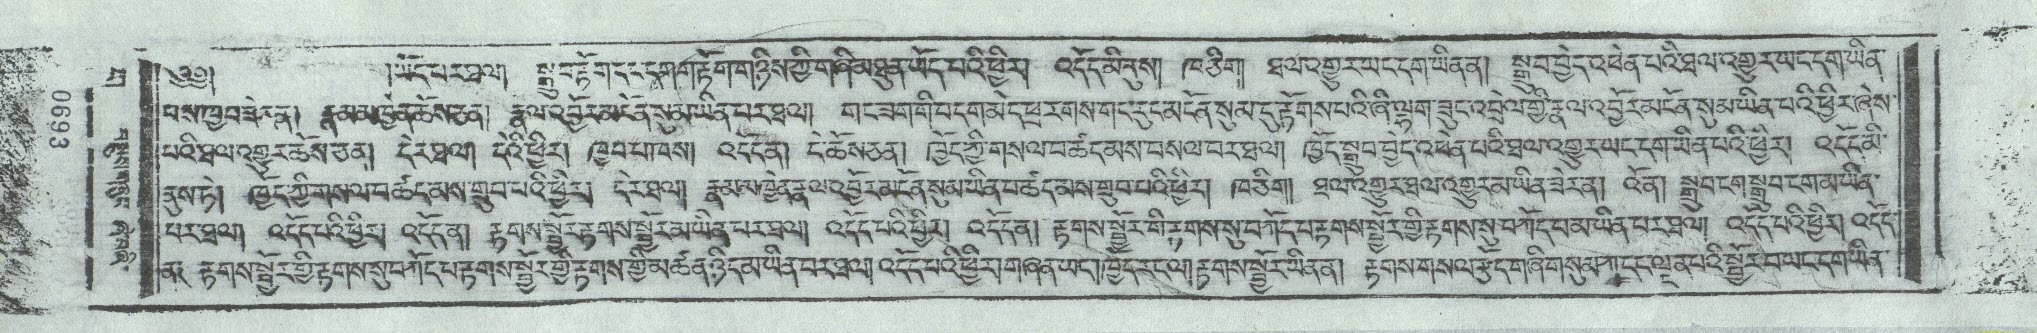༄༅། །ཡོད་པར་ཐལ། སྒྲུབ་རྟོག་དང་དགག་རྟོག་གཉིས་ཀྱི་གཞི་མཐུན་ཡོད་པའི་ཕྱིར། འདོད་མི་ནུས། ཁ་ཅིག། ཐལ་འགྱུར་ཡང་དག་ཡིན་ན། སྒྲུབ་བྱེད་འཕེན་པའི་ཐལ་འགྱུར་ཡང་དག་ཡིན་
པས་ཁྱབ་ཟེར་ན། རྣམ་མཁྱེན་ཆོས་ཅན། རྣལ་འབྱོར་མངོན་སུམ་ཡིན་པར་ཐལ། གང་ཟག་གི་བདག་མེད་ཕྲ་རགས་གང་རུང་མངོན་སུམ་དུ་རྟོགས་པའི་ཞི་ལྷག་ཟུང་འབྲེལ་གྱི་རྣལ་འབྱོར་མངོན་སུམ་ཡིན་པའི་ཕྱིར་ཞེས་
པའི་ཐལ་འགྱུར་ཆོས་ཅན། དེར་ཐལ། དེའི་ཕྱིར། ཁྱབ་པ་ཁས། འདོད་ན། དེ་ཆོས་ཅན། ཁྱོད་ཀྱི་གསལ་བ་ཚད་མས་བསལ་བར་ཐལ། ཁྱོད་སྒྲུབ་བྱེད་འཕེན་པའི་ཐལ་འགྱུར་ཡང་དག་ཡིན་པའི་ཕྱིར། འདོད་མི་
ནུས་ཏེ། ཁྱོད་ཀྱི་གསལ་བ་ཚད་མས་གྲུབ་པའི་ཕྱིར། དེར་ཐལ། རྣམ་མཁྱེན་རྣལ་འབྱོར་མངོན་སུམ་ཡིན་པ་ཚད་མས་གྲུབ་པའི་ཕྱིར། ཁ་ཅིག། ཐལ་འགྱུར་ཐལ་འགྱུར་མ་ཡིན་ཟེར་ན། འོ་ན། སྒྲུབ་ངག་སྒྲུབ་ངག་མ་ཡིན་
པར་ཐལ། འདོད་པའི་ཕྱིར། འདོད་ན། རྟགས་སྦྱོར་རྟགས་སྦྱོར་མ་ཡིན་པར་ཐལ། འདོད་པའི་ཕྱིར། འདོད་ན། རྟགས་སྦྱོར་གི་རྟགས་སུ་བཀོད་པ་རྟགས་སྦྱོར་གྱི་རྟགས་སུ་བཀོད་པ་མ་ཡིན་པར་ཐལ། འདོད་པའི་ཕྱིར། འདོད་
ན༑ རྟགས་སྦྱོར་གྱི་རྟགས་སུ་བཀོད་པ་རྟགས་སྦྱོར་གྱི་རྟགས་གྱི་མཚན་ཉིད་མ་ཡིན་པར་ཐལ། འདོད་པའི་ཕྱིར། གཞན་ཡང་། ཁྱོད་རང་ལ། རྟགས་སྦྱོར་ཡིན་ན། རྟགས་གསལ་རྩོད་གཞི་གསུམ་ཀ་དང་ལྡན་པའི་སྦྱོར་བ་ལ་བདག་ཡིན་